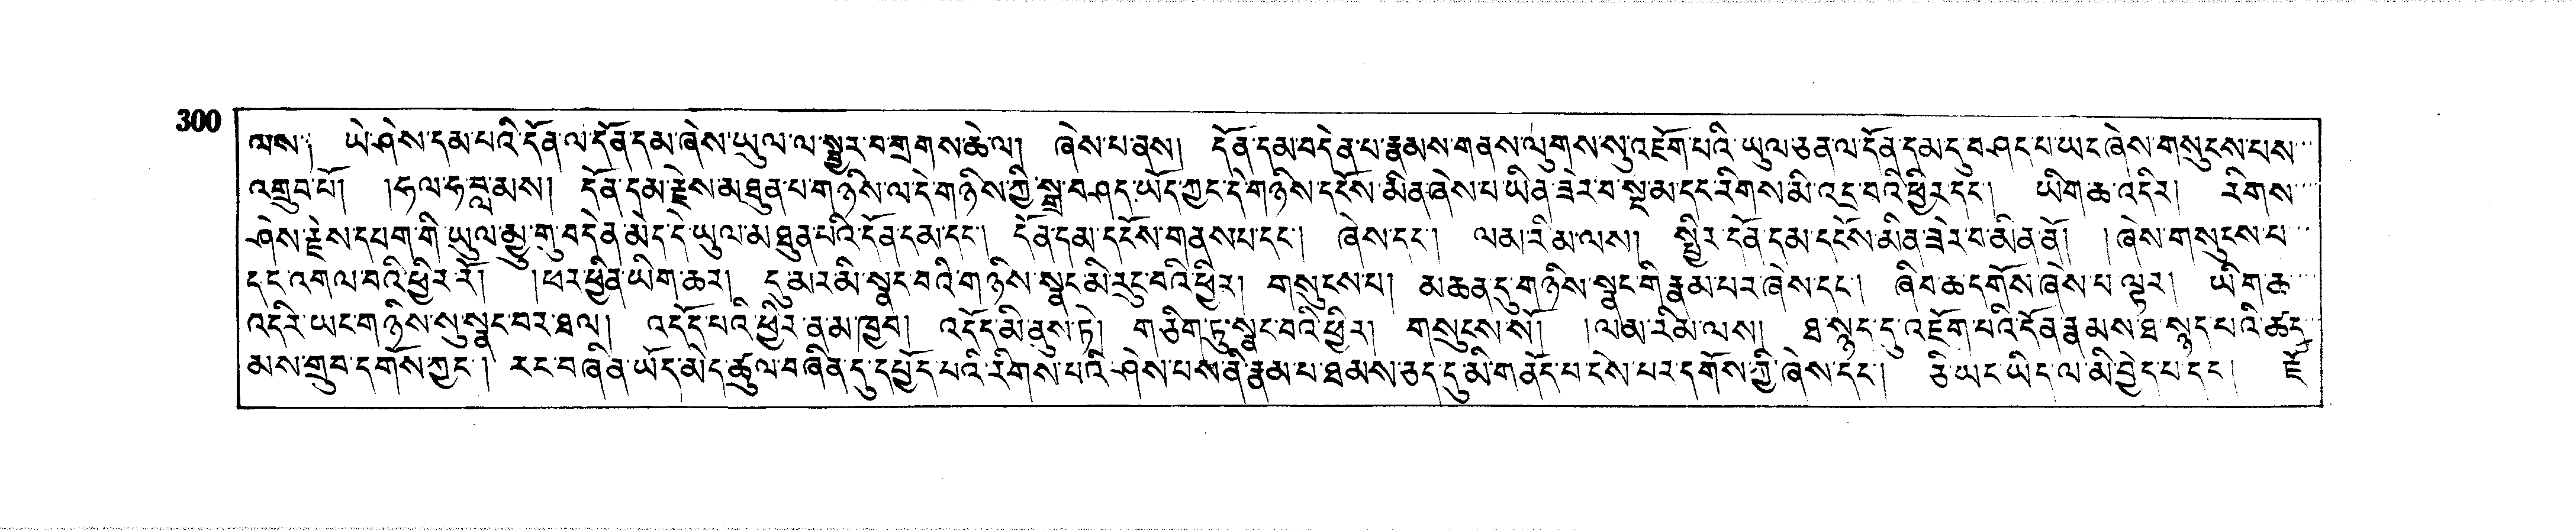ལས། ཡེ་ཤེས་དམ་པའི་དོན་ལ་དོན་དམ་ཞེས་ཡུལ་ལ་སྦྱར་བ་གྲགས་ཆེ་ལ། ཞེས་པ་ནས། དོན་དམ་བདེན་པ་རྣམས་གནས་ལུགས་སུ་འཇོག་པའི་ཡུལ་ཅན་ལ་དོན་དམ་དུ་བཤད་པ་ཡང་ཞེས་གསུངས་པས་
འགྲུབ་པོ། །ཧལ་ཧ་བླ་མས། དོན་དམ་རྗེས་མཐུན་པ་གཉིས་ལ་དེ་གཉིས་ཀྱི་སྒྲ་བཤད་ཡོད་ཀྱང་དེ་གཉིས་དངོས་མིན་ཞེས་པ་ཡིན་ཟེར་བ་སྔ་མ་དང་རིགས་མི་འདྲ་བའི་ཕྱིར་དང་། ཡིག་ཆ་འདིར། རིགས་
ཤེས་རྗེས་དཔག་གི་ཡུལ་མྱུ་གུ་བདེན་མེད་དེ་ཡུལ་མཐུན་པའི་དོན་དམ་དང་། དོན་དམ་དངོས་གནས་པ་དང་། ཞེས་དང་། ལམ་རིམ་ལས། སྤྱིར་དོན་དམ་དངོས་མིན་ཟེར་བ་མིན་ནོ། །ཞེས་གསུངས་པ་
དང་འགལ་བའི་ཕྱིར་རོ། །ཕར་ཕྱིན་ཡིག་ཆར། དུ་མར་མི་སྣང་བའི་གཉིས་སྣང་མི་རུང་བའི་ཕྱིར། གསུངས་པ། མཆན་དུ་གཉིས་སྣང་གི་རྣམ་པར་ཞེས་དང་། ཞིབ་ཆ་དགོས་ཞེས་པ་ལྟར། ཡིག་ཆ་
འདིར་ཡང་གཉིས་སུ་སྣང་བར་ཐལ། འདོད་པའི་ཕྱིར་ན་མ་ཁྱབ། འདོད་མི་ནུས་ཏེ། གཅིག་ཏུ་སྣང་བའི་ཕྱིར། གསུངས་སོ། །ལམ་རིམ་ལས། ཐ་སྙད་དུ་འཇོག་པའི་དོན་རྣམས་ཐ་སྙད་པའི་ཚད་
མས་གྲུབ་དགོས་ཀྱང་། རང་བཞིན་ཡོད་མེད་ཚུལ་བཞིན་དུ་དཔྱོད་པའི་རིགས་པའི་ཤེས་པས་ནི་རྣམ་པ་ཐམས་ཅད་དུ་མི་གནོད་པ་ངེས་པར་དགོས་ཀྱི་ཞེས་དང་། ཅི་ཡང་ཡིད་ལ་མི་བྱེད་པ་དང་། ཇ་